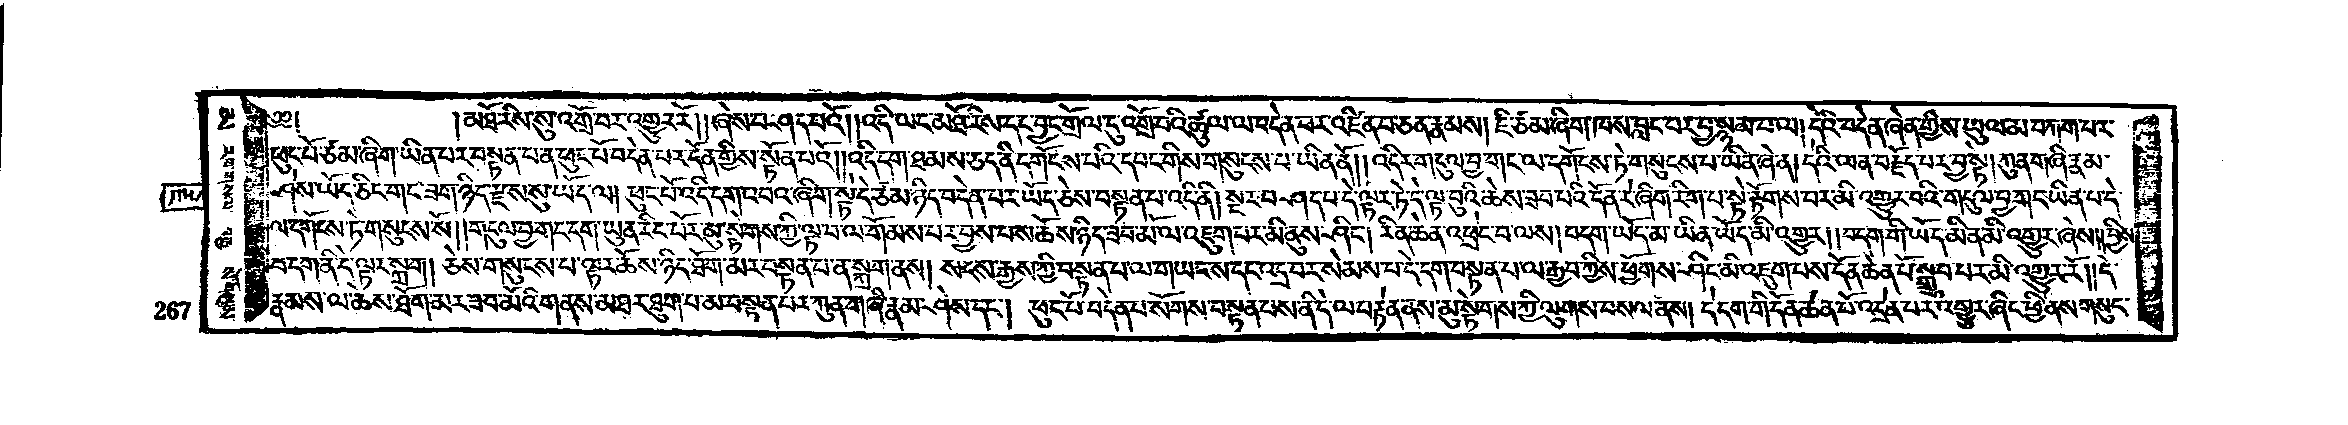༄༅། །མཐོ་རིས་སུ་འགྲོ་བར་འགྱུར་རོ། །ཞེས་བཤད་པའོ། །འདི་ཡང་མཐོ་རིས་དང་བྱང་གྲོལ་དུ་འགྲོ་བའི་ཚུལ་ལ་བདེན་པར་འཛིན་པ་ཅན་རྣམས། ཇི་ཙམ་ཞིག་ཁས་བླང་བར་བྱ་སྙམ་པ་ལ། དེའི་བདེན་ཞེན་གྱིས་ཡུལ་མ་བཀག་པར་
ཕུང་པོ་ཙམ་ཞིག་ཡིན་པར་བསྟན་པ་ན་ཕུང་པོ་བདེན་པར་དོན་གྱིས་སྟོན་པའོ། །འདི་དག་ཐམས་ཅད་ནི་དགོངས་པའི་དབང་གིས་གསུངས་པ་ཡིན་ནོ། །འདིར་གདུལ་བྱ་གང་ལ་དགོངས་ཏེ་གསུངས་པ་ཡིན་ཞེ་ན། དེའི་ལན་བརྗོད་པར་བྱ་སྟེ། ཀུན་གཞི་རྣམ་
ཤེས་ཡོད་ཅིང་གང་ཟག་ཉིད་རྫས་སུ་ཡོད་ལ། ཕུང་པོ་འདི་དག་འབའ་ཞིག་སྟེ་དེ་ཙམ་ཉིད་བདེན་པར་ཡོད་ཅེས་བསྟན་པ་འདི་ནི། སྔར་བཤད་པ་དེ་ལྟར་ཏེ་དེ་ལྟ་བུའི་ཆེས་ཟབ་པའི་དོན་རེ་ཞིག་རིག་པ་སྟེ་རྟོགས་པར་མི་འགྱུར་བའི་གདུལ་བྱ་གང་ཡིན་པ་དེ་
ལ་དགོངས་ཏེ་གསུངས་སོ། །གདུལ་བྱ་གང་དག་ཡུན་རིང་པོར་མུ་སྟེགས་ཀྱི་ལྟ་བ་ལ་གོམས་པར་བྱས་པས་ཆོས་ཉིད་ཟབ་མོ་ལ་འཇུག་པར་མི་ནུས་ཤིང་། རིན་ཆེན་འཕྲེང་བ་ལས། བདག་ཡོད་མ་ཡིན་ཡོད་མི་འགྱུར། །བདག་གི་ཡོད་མིན་མི་འགྱུར་ཞེས། །བྱིས་
པ་དག་ནི་དེ་ལྟར་སྐྲག །ཅེས་གསུངས་པ་ལྟར་ཆོས་ཉིད་ཐོག་མར་བསྟན་པ་ན་སྐྲག་ནས། སངས་རྒྱས་ཀྱི་བསྟན་པ་ལ་གཡང་ས་དང་འདྲ་བར་སེམས་པ་དེ་དག་བསྟན་པ་ལ་རྒྱབ་ཀྱིས་ཕྱོགས་ཤིང་མི་འཇུག་པས་དོན་ཆེན་པོ་སྒྲུབ་པར་མི་འགྱུར་རོ། །དེ་
རྣམས་ལ་ཆེས་ཐོག་མར་ཟབ་མོའི་གནས་མཐར་ཐུག་པ་མ་བསྟན་པར་ཀུན་གཞི་རྣམ་ཤེས་དང་། ཕུང་པོ་བདེན་པ་སོགས་བསྟན་པས་ནི་དེ་ལ་བརྟེན་ནས་མུ་སྟེགས་ཀྱི་ལུགས་བསལ་ནས། དེ་དག་གི་དོན་ཆེན་པོ་འདྲེན་པར་འགྱུར་ཞིང་ཕྱི་ནས་གསུང་